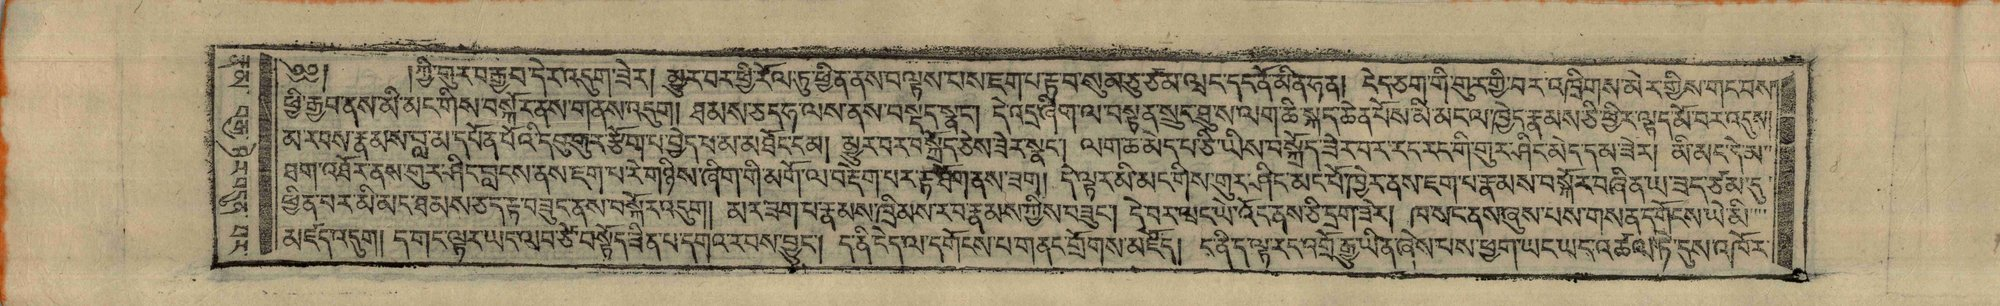༄༅། །ཀྱི་གུར་བརྒྱབ་དེར་འདུག་ཟེར། མྱུར་བར་ཕྱི་རོལ་ཏུ་ཕྱིན་ནས་བལྟས་པས་ཇག་པ་རྟ་བ་སུམ་ཅུ་ཙམ་ཝང་དང་ནོ་མིན་ཧན། ངེད་ཅག་གི་གུར་གྱི་བར་འཁྲིགས་མེར་གྱིས་གང་བས་
ཕྱི་རྒྱབ་ནས་མི་མང་གིས་བསྐོར་ནས་གནས་འདུག །ཐམས་ཅད་ཧ་ལས་ནས་བསྡད་སྣང་། དེ་འདྲ་ཞིག་ལ་བསྟན་སྲུང་ཐུ་ས་ལག་ཆི་སྐད་ཆེན་པོས་མི་མང་ལ་ཁྱེད་རྣམས་ཅི་ཕྱིར་ལྟད་མོ་བར་འདུས་
མ་རབས་རྣམས་བླ་མ་དཔོན་པོའི་དབུ་གུར་རྩོག་པ་བྱེད་པ་མ་མཐོང་ངམ། མྱུར་བར་བསྐྲོད་ཅེས་ཟེར་སྣང་། ལག་ཆ་མེད་པ་ཅི་ཡིས་བསྐྲོད་ཟེར་བར་རང་རང་གི་གུར་ཤིང་མེད་དམ་ཟེར། མི་མང་དེ་མ་
ཐག་འཐོར་ནས་གུར་ཤིང་བླངས་ནས་ཇག་པ་རེ་གཉིས་ཞིག་གི་མགོ་ལ་བརྡེག་པར་རྟ་ཐོག་ནས་ཟག །དེ་ལྟར་མི་མང་གིས་གུར་ཤིང་མང་པོ་ཁྱེར་ནས་ཇག་པ་རྣམས་བསྐོར་བཞིན་ཡ་ཟད་ཙམ་དུ་
ཕྱིན་པར་མི་མང་ཐམས་ཅད་རྟ་བཟུང་ནས་བསྐོར་འདུག །མར་ཟག་པ་རྣམས་ཁྲིམས་ར་བ་རྣམས་ཀྱིས་བཟུང་། དེ་བར་ཝང་ཡེ་འོང་ནས་ཅི་དྲག་ཟེར། ཁ་སང་ནས་ཞུས་པས་གསན་དགོངས་ཡེ་མི་
མཛད་འདུག །ད་གང་ལྟར་ཡང་ལབ་ཙེ་བསྟོད་ཟིན་པ་དགའ་རབས་བྱུང་། ད་ནི་ངེད་ལ་དགོངས་པ་གནང་གྲོགས་མཛོད། ང་ནི་ད་ལྟ་རང་འགྲོ་རྒྱུ་ཡིན་ཞེས་པས་ཕྱག་ཡང་ཡང་འཚལ་ཏེ་དུས་འཁོར་